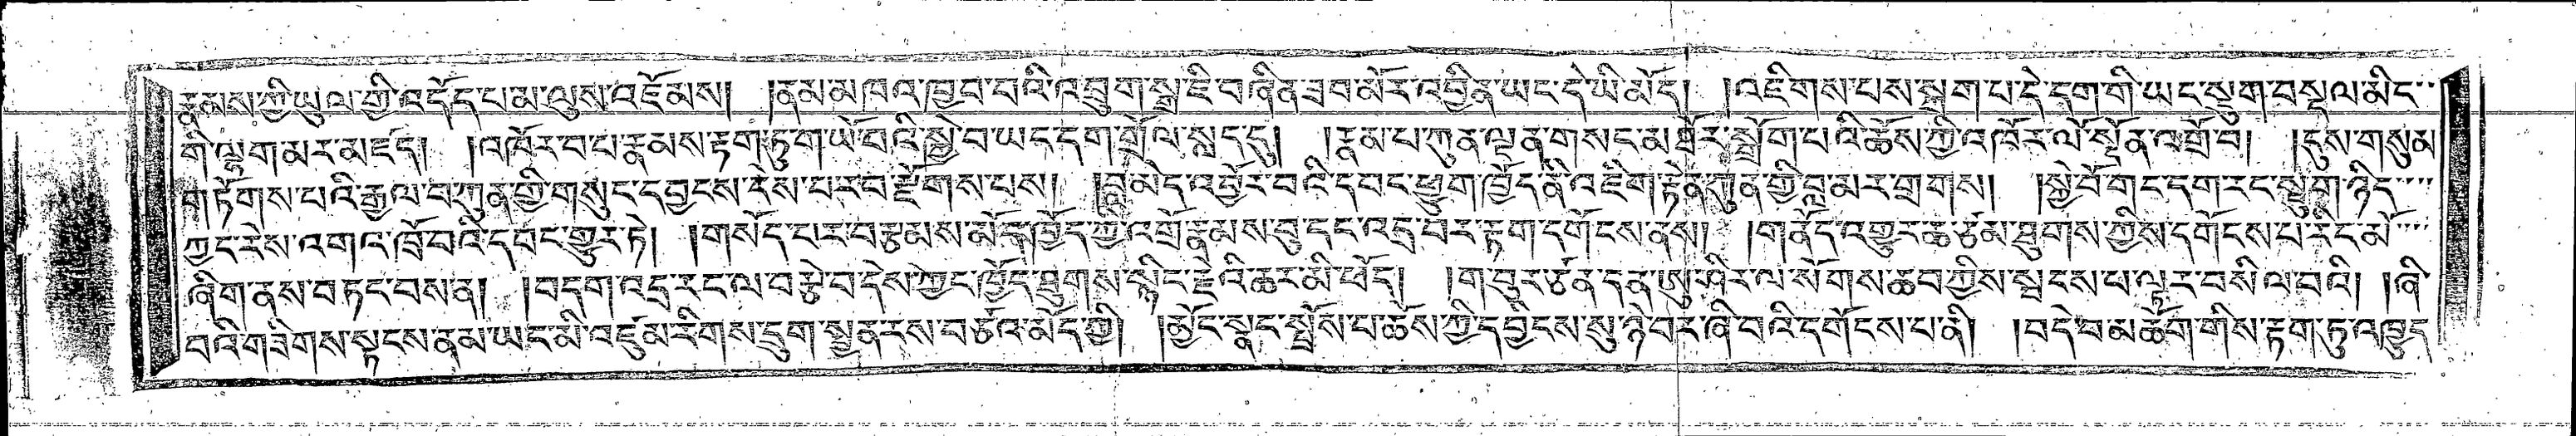རྣམས་ཀྱི་ཡུལ་གྱི་འདོད་པ་མ་ལུས་འཇོམས། །ནམ་མཁའ་ཁྱབ་བའི་འབྲུག་སྒྲ་ཇི་བཞིན་ཟབ་མོར་འབྱིན་ཡང་དེ་ཡི་མདོ། །འཇིགས་པས་སྐྲག་པ་དེ་དག་གི་ཡང་སྡུག་བསྔལ་མིང་
གི་ལྷག་མར་མཛད། །འཁོར་བ་པ་རྣམས་རྟག་ཏུ་གཡོ་བའི་སྐྱེ་བ་ཡང་དག་གྲོལ་སླད་དུ། །རྣམ་པ་ཀུན་ལྡན་གསང་མཐོར་སྒྲོག་པའི་ཆོས་ཀྱི་འཁོར་ལོ་སྔོན་འགྲོ་བ། །དུས་གསུམ་
གཏོགས་པའི་རྒྱལ་བ་ཀུན་གྱི་གསུང་དབྱངས་ངེས་པ་རབ་རྫོགས་པས། །བླ་མེད་འབྱོར་བའི་དབང་ཕྱུག་ཁྱོད་ནི་འཇིག་རྟེན་ཀུན་གྱི་བླ་མར་གྲགས། །སྐྱེ་བོ་གང་དག་རང་སྡུག་ཉིད་
ཀྱང་རེས་འགའ་ཁྲོ་བའི་དབང་གྱུར་ཏེ། །གསོད་པར་བརྩམས་མོད་ཁྱོད་ཀྱི་འགྲོ་རྣམས་བུ་དང་འདྲ་བར་རྟག་དགོངས་ནས། །གནོད་འགྱུར་ཆ་ཙམ་ཐུགས་ཀྱིས་དགོངས་པ་རིང་མོ་
ཞིག་ནས་བཏང་བས་ན། །བདག་འདྲ་རང་ལ་བརྩེ་བ་དེས་ཀྱང་ཁྱོད་ཐུགས་སྙིང་རྗེའི་ཆར་མི་ཕོད། །ག་བུར་ཙན་དན་ཨུ་ཤིར་ལ་སོགས་ཆབ་ཀྱིས་སྦངས་པ་ལྟར་བསིལ་བའི། །ཞི་
བའི་གཟིགས་སྟངས་ནམ་ཡང་མི་འཛུམ་རིགས་དྲུག་སྤྱན་རས་བཙའ་མོད་ཀྱི། །མྱོང་སྣང་སྤྲོས་པ་ཆོས་ཀྱི་དབྱིངས་སུ་ཉེ་བར་ཞི་བའི་དགོངས་པ་ནི། །བདེ་བ་མཆོག་གིས་རྟག་ཏུ་འཁྱུད་